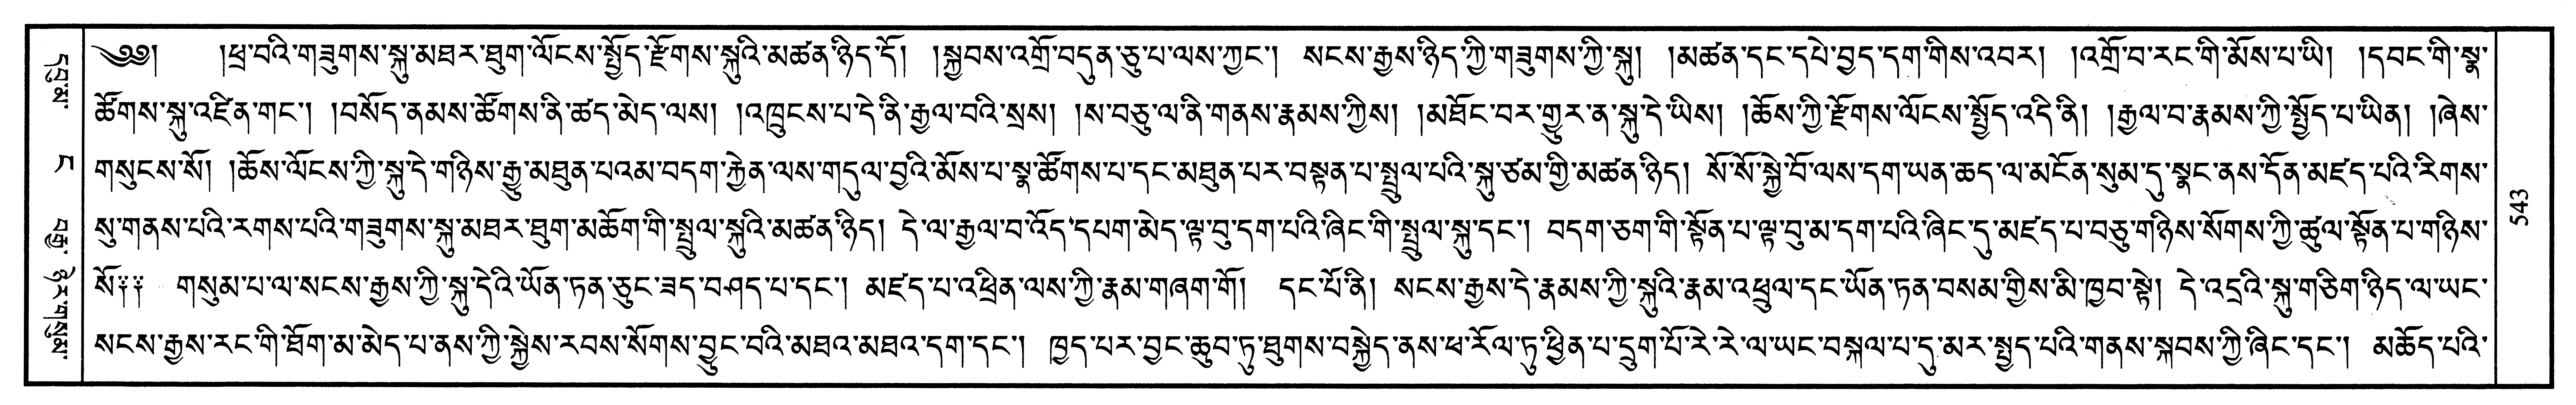༄༅། །ཕྲ་བའི་གཟུགས་སྐུ་མཐར་ཐུག་ལོངས་སྤྱོད་རྫོགས་སྐུའི་མཚན་ཉིད་དོ། །སྐྱབས་འགྲོ་བདུན་ཅུ་པ་ལས་ཀྱང་། སངས་རྒྱས་ཉིད་ཀྱི་གཟུགས་ཀྱི་སྐུ། །མཚན་དང་དཔེ་བྱད་དག་གིས་འབར། །འགྲོ་བ་རང་གི་མོས་པ་ཡི། །དབང་གི་སྣ་
ཚོགས་སྐུ་འཛིན་གང་། །བསོད་ནམས་ཚོགས་ནི་ཚད་མེད་ལས། །འཁྲུངས་པ་དེ་ནི་རྒྱལ་བའི་སྲས། །ས་བཅུ་ལ་ནི་གནས་རྣམས་ཀྱིས། །མཐོང་བར་གྱུར་ན་སྐུ་དེ་ཡིས། །ཆོས་ཀྱི་རྫོགས་ལོངས་སྤྱོད་འདི་ནི། །རྒྱལ་བ་རྣམས་ཀྱི་སྤྱོད་པ་ཡིན། །ཞེས་
གསུངས་སོ། །ཆོས་ལོངས་ཀྱི་སྐུ་དེ་གཉིས་རྒྱུ་མཐུན་པའམ་བདག་རྐྱེན་ལས་གདུལ་བྱའི་མོས་པ་སྣ་ཚོགས་པ་དང་མཐུན་པར་བསྟན་པ་སྤྲུལ་པའི་སྐུ་ཙམ་གྱི་མཚན་ཉིད། སོ་སོ་སྐྱེ་བོ་ལས་དག་ཡན་ཆད་ལ་མངོན་སུམ་དུ་སྣང་ནས་དོན་མཛད་པའི་རིགས་
སུ་གནས་པའི་རགས་པའི་གཟུགས་སྐུ་མཐར་ཐུག་མཆོག་གི་སྤྲུལ་སྐུའི་མཚན་ཉིད། དེ་ལ་རྒྱལ་བ་འོད་དཔག་མེད་ལྟ་བུ་དག་པའི་ཞིང་གི་སྤྲུལ་སྐུ་དང་། བདག་ཅག་གི་སྟོན་པ་ལྟ་བུ་མ་དག་པའི་ཞིང་དུ་མཛད་པ་བཅུ་གཉིས་སོགས་ཀྱི་ཚུལ་སྟོན་པ་གཉིས་
སོ༑༑ གསུམ་པ་ལ་སངས་རྒྱས་ཀྱི་སྐུ་དེའི་ཡོན་ཏན་ཅུང་ཟད་བཤད་པ་དང་། མཛད་པ་འཕྲིན་ལས་ཀྱི་རྣམ་གཞག་གོ། དང་པོ་ནི། སངས་རྒྱས་དེ་རྣམས་ཀྱི་སྐུའི་རྣམ་འཕྲུལ་དང་ཡོན་ཏན་བསམ་གྱིས་མི་ཁྱབ་སྟེ། དེ་འདྲའི་སྐུ་གཅིག་ཉིད་ལ་ཡང་
སངས་རྒྱས་རང་གི་ཐོག་མ་མེད་པ་ནས་ཀྱི་སྐྱེས་རབས་སོགས་བྱུང་བའི་མཐའ་མཐའ་དག་དང་། ཁྱད་པར་བྱང་ཆུབ་ཏུ་ཐུགས་བསྐྱེད་ནས་ཕ་རོལ་ཏུ་ཕྱིན་པ་དྲུག་པོ་རེ་རེ་ལ་ཡང་བསྐལ་པ་དུ་མར་སྤྱད་པའི་གནས་སྐབས་ཀྱི་ཞིང་དང་། མཆོད་པའི་